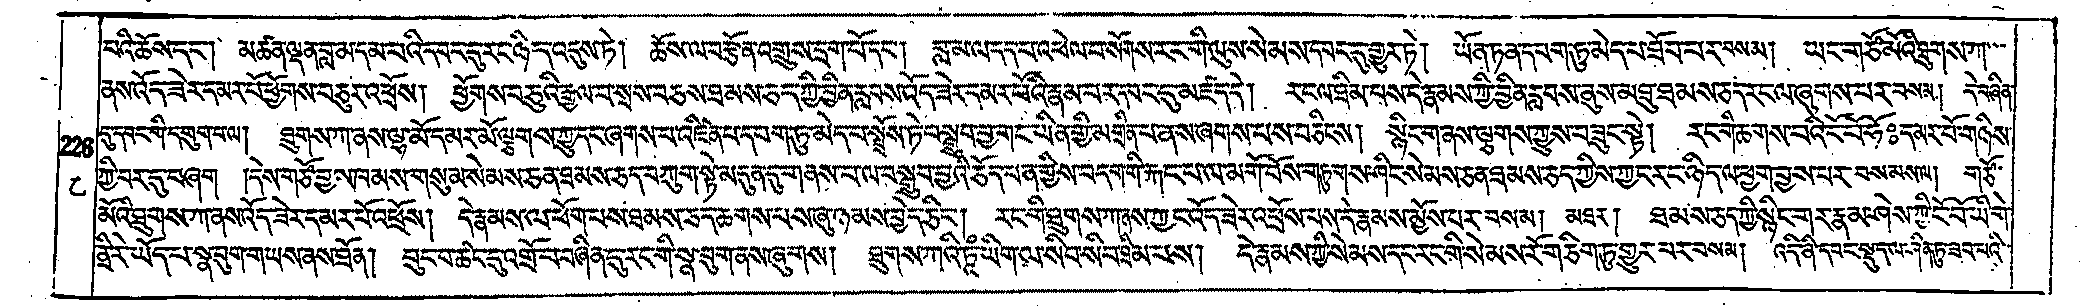པའི་ཆོས་དང་། མཚན་ལྡན་བླ་མ་དམ་པའི་དབང་དུ་རང་ཉིད་འདུས་ཏེ། ཆོས་ལ་བརྩོན་འགྲུས་དྲག་པོ་དང་། བླ་མ་ལ་དད་པ་འཕེལ་བ་སོགས་རང་གི་ལུས་སེམས་དབང་དུ་གྱུར་ཏེ། ཡོན་ཏན་དཔག་ཏུ་མེད་པ་ཐོབ་པར་བསམ། ཡང་གཙོ་མོའི་ཐུགས་ཀ་་་
ནས་འོད་ཟེར་དམར་པོ་ཕྱོགས་བཅུར་འཕྲོས། ཕྱོགས་བཅུའི་རྒྱལ་བ་སྲས་བཅས་ཐམས་ཅད་ཀྱི་བྱིན་རླབས་འོད་ཟེར་དམར་པོའི་རྣམ་པར་དབང་དུ་མཛད་དེ། རང་ལ་ཐིམ་པས་དེ་རྣམས་ཀྱི་བྱིན་རླབས་ནུས་མཐུ་ཐམས་ཅད་རང་ལ་ཞུགས་པར་བསམ། དེ་བཞིན་
དུ་དབང་གི་དགུག་པ་ལ། ཐུགས་ཀ་ནས་ལྷ་མོ་དམར་མོ་ལྕགས་ཀྱུ་དང་ཞགས་པ་འཛིན་པ་དཔག་ཏུ་མེད་པ་སྤྲོས་ཏེ་བསྒྲུབ་བྱ་གང་ཡིན་གྱི་མགྲིན་པ་ནས་ཞགས་པས་བཅིངས། སྙིང་ག་ནས་ལྕགས་ཀྱུས་བཟུང་སྟེ། རང་གི་ཆགས་པའི་ངོ་བོ་ཧོཿདམར་པོ་གཉིས་
ཀྱི་བར་དུ་བཞག །དེས་གཙོ་བྱས་ཁམས་གསུམ་སེམས་ཅན་ཐམས་ཅད་བཀུག་སྟེ་མདུན་དུ་གནས་པ་ལ་བསྒྲུབ་བྱའི་ཅོད་པན་གྱིས་བདག་གི་རྐང་པ་ལ་མགོ་བོས་གཏུགས་ཤིང་སེམས་ཅན་ཐམས་ཅད་ཀྱིས་ཀྱང་རང་ཉིད་ལ་ཕྱག་བྱས་པར་བསམས་ལ།  གཙོ་
མོའི་ཐུགས་ཀ་ནས་འོད་ཟེར་དམར་པོ་འཕྲོས། དེ་རྣམས་ལ་ཕོག་པས་ཐམས་ཅད་ཆགས་པས་ཞུ་ཉམས་བྱེད་ཅིང་། རང་གི་ཐུགས་ཀ་ནས་ཀྱང་འོད་ཟེར་འཕྲོས་པས་དེ་རྣམས་མྱོས་པར་བསམ། མཐར།  ཐམས་ཅད་ཀྱི་སྙིང་གར་རྣམ་ཤེས་ཀྱི་ངོ་བོ་ཡི་གེ་
ནྲི་རེ་ཡོད་པ་སྣ་བུག་གཡས་ནས་ཐོན། བུང་བ་ཚང་དུ་འགྲོ་བ་བཞིན་དུ་རང་གི་སྣ་བུག་ནས་ཞུགས། ཐུགས་ཀའི་ཏཱཾ་ཡིག་ལ་སིབ་སིབ་ཐིམ་པས། དེ་རྣམས་ཀྱི་སེམས་དང་རང་གི་སེམས་རོ་གཅིག་ཏུ་གྱུར་པར་བསམ། འདི་ནི་དབང་སྡུད་ལ་ཤིན་ཏུ་ཟབ་པའི་་་